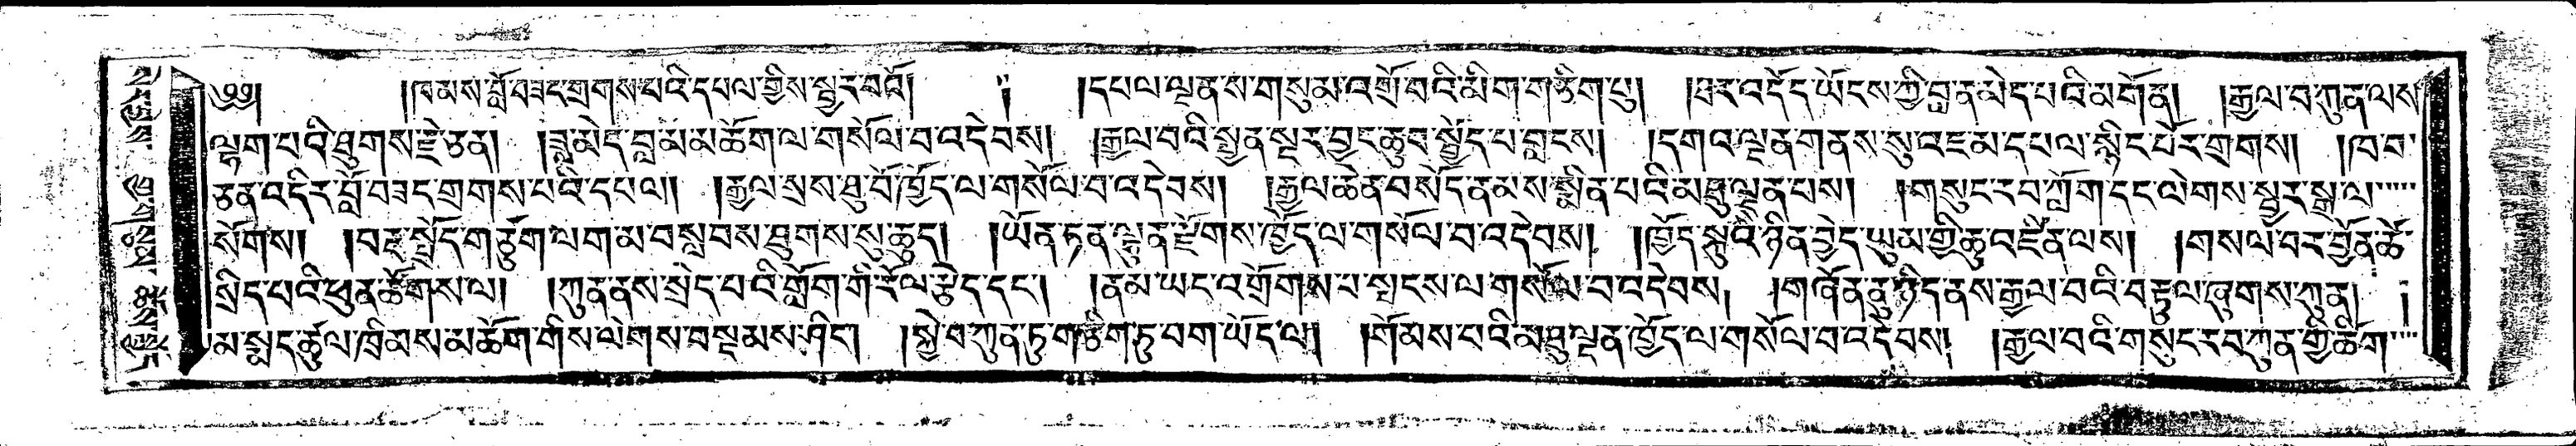༄༅། །ཁམས་བློ་བཟང་གྲགས་པའི་དཔལ་གྱིས་སྦྱར་བའོ། ༈ །དཔལ་ལྡན་ས་གསུམ་འགྲོ་བའི་མིག་གཅིག་པུ། །ཐར་འདོད་ཡོངས་ཀྱི་བླ་ན་མེད་པའི་མགོན། །རྒྱལ་བ་ཀུན་ལས་
ལྷག་པའི་ཐུགས་རྗེ་ཅན། །ཟླ་མེད་བླ་མ་མཆོག་ལ་གསོལ་བ་འདེབས། །རྒྱལ་བའི་སྤྱན་སྔར་བྱང་ཆུབ་སྤྱོད་པ་བླངས། །དགའ་ལྡན་གནས་སུ་འཇམ་དཔལ་སྙིང་པོར་གྲགས། །ཁ་བ་
ཅན་འདིར་བློ་བཟང་གྲགས་པའི་དཔལ། །རྒྱལ་སྲས་ཐུ་བོ་ཁྱོད་ལ་གསོལ་བ་འདེབས། །རྒྱལ་ཆེན་བསོད་ནམས་སྨིན་པའི་མཐུ་ལྡན་པས། །གསུང་རབ་ཀློག་དང་ལེགས་སྦྱར་སྒྲ་ལ་
སོགས། །བརྡ་སྤྲོད་གཙུག་ལག་མ་བསླབས་ཐུགས་སུ་ཆུད། །ཡོན་ཏན་ལྷུན་རྫོགས་ཁྱོད་ལ་གསོལ་བ་འདེབས། །ཁྱོད་སྐུའི་ཉིན་བྱེད་ཡུམ་གྱི་ཆུ་འཛིན་ལས། །གསལ་བར་བྱོན་ཚེ་
སྲིད་པའི་ཕུན་ཚོགས་ལ། །ཀུན་ནས་སྲེད་པའི་གློག་གི་རོལ་རྩེད་དང་། །ནམ་ཡང་འགྲོགས་པ་སྤངས་ལ་གསོལ་བ་འདེབས། །གཞོན་ནུ་ཉིད་ནས་རྒྱལ་བའི་བརྟུལ་ཞུགས་ཀུན། །
མ་སྨད་ཚུལ་ཁྲིམས་མཆོག་གིས་ལེགས་བསྔམས་ཤིང་། །སྐྱེ་བ་ཀུན་ཏུ་གཅིག་ཏུ་བག་ཡོད་ལ། །གོམས་པའི་མཐུ་ལྡན་ཁྱོད་ལ་གསོལ་བ་འདེབས། །རྒྱལ་བའི་གསུང་རབ་ཀུན་གྱི་ཚིག་